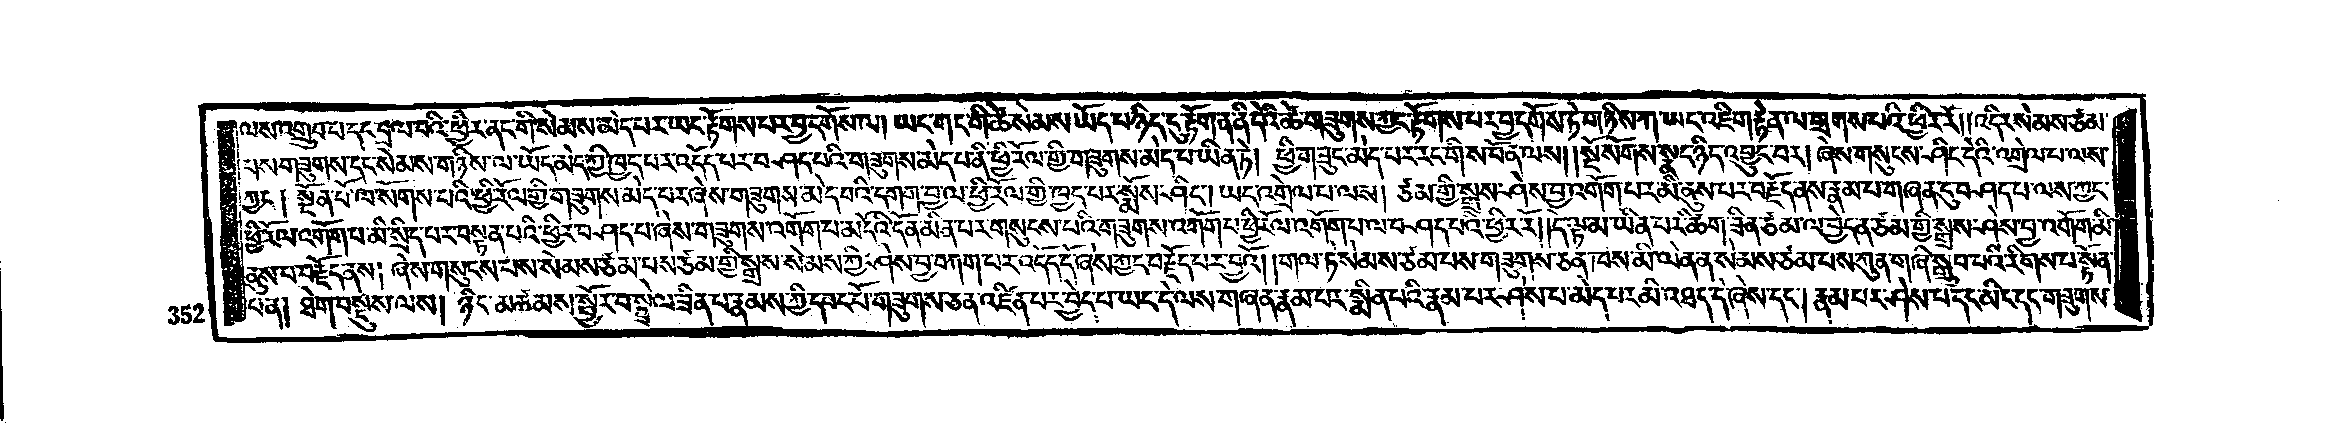ལས་འགྲུབ་པ་དང་བྲལ་བའི་ཕྱིར་ནང་གི་སེམས་མེད་པར་ཡང་རྟོགས་པར་བྱ་དགོས་ལ། ཡང་གང་གི་ཚེ་སེམས་ཡོད་པ་ཉིད་དུ་རྟོག་ན་ནི་དེའི་ཚེ་གཟུགས་ཀྱང་རྟོགས་པར་བྱ་དགོས་ཏེ་གཉིས་ཀ་ཡང་འཇིག་རྟེན་ལ་གྲགས་པའི་ཕྱིར་རོ། །འདིར་སེམས་ཙམ་
པས་གཟུགས་དང་སེམས་གཉིས་ལ་ཡོད་མེད་ཀྱི་ཁྱད་པར་འདོད་པར་བཤད་པའི་གཟུགས་མེད་པ་ནི་ཕྱི་རོལ་གྱི་གཟུགས་མེད་པ་ཡིན་ཏེ། ཕྱི་གཟུང་མེད་པར་རང་གི་ས་བོན་ལས། །སྔོ་སོགས་སྣང་ཉིད་འབྱུང་བར། ཞེས་གསུངས་ཤིང་དེའི་འགྲེལ་པ་ལས་
ཀྱང་། སྔོན་པོ་ལ་སོགས་པའི་ཕྱི་རོལ་གྱི་གཟུགས་མེད་པར་ཞེས་གཟུགས་མེད་པའི་དགག་བྱ་ལ་ཕྱི་རོལ་གྱི་ཁྱད་པར་སྨོས་ཤིང་། ཡང་འགྲེལ་པ་ལས། ཙམ་གྱི་སྒྲས་ཤེས་བྱ་འགོག་པར་མི་ནུས་པར་བརྗོད་ནས་རྣམ་པ་གཞན་དུ་བཤད་པ་ལས་ཀྱང་
ཕྱི་རོལ་འགོག་པ་མི་སྲིད་བར་བསྟན་པའི་ཕྱིར་བཤད་པ་ཞེས་གཟུགས་འགོག་པ་མདོའི་དོན་མིན་པར་གསུངས་པའི་གཟུགས་འགོག་པ་ཕྱི་རོལ་འགོག་པ་ལ་བཤད་པའི་ཕྱིར་རོ། །དེ་ལྟ་མ་ཡིན་པར་ཚིག་ཟིན་ཙམ་ལ་བྱེད་ན་ཙམ་གྱི་སྒྲས་ཤེས་བྱ་འགོག་མི་
ནུས་པ་བརྗོད་ནས། ཞེས་གསུངས་པས་སེམས་ཙམ་པས་ཙམ་གྱི་སྒྲས་སེམས་ཀྱི་ཤེས་བྱ་བཀག་པར་འདོད་དོ་ཞེས་ཀྱང་བརྗོད་པར་བྱའོ། །གལ་ཏེ་སེམས་ཙམ་པས་གཟུགས་ཅན་ཁས་མི་ལེན་ན་སེམས་ཙམ་པས་ཀུན་གཞི་སྒྲུབ་པའི་རིགས་པ་སྟོན་
པ་ན། ཐེག་བསྡུས་ལས། ཉིང་མཚམས་སྦྱོར་བ་སྦྲེལ་ཟིན་པ་རྣམས་ཀྱི་དབང་པོ་གཟུགས་ཅན་འཛིན་པར་བྱེད་པ་ཡང་དེ་ལས་གཞན་རྣམ་པར་སྨིན་པའི་རྣམ་པར་ཤེས་པ་མེད་པར་མི་འཐད་དེ་ཞེས་དང་། རྣམ་པར་ཤེས་པ་དང་མིང་དང་གཟུགས་